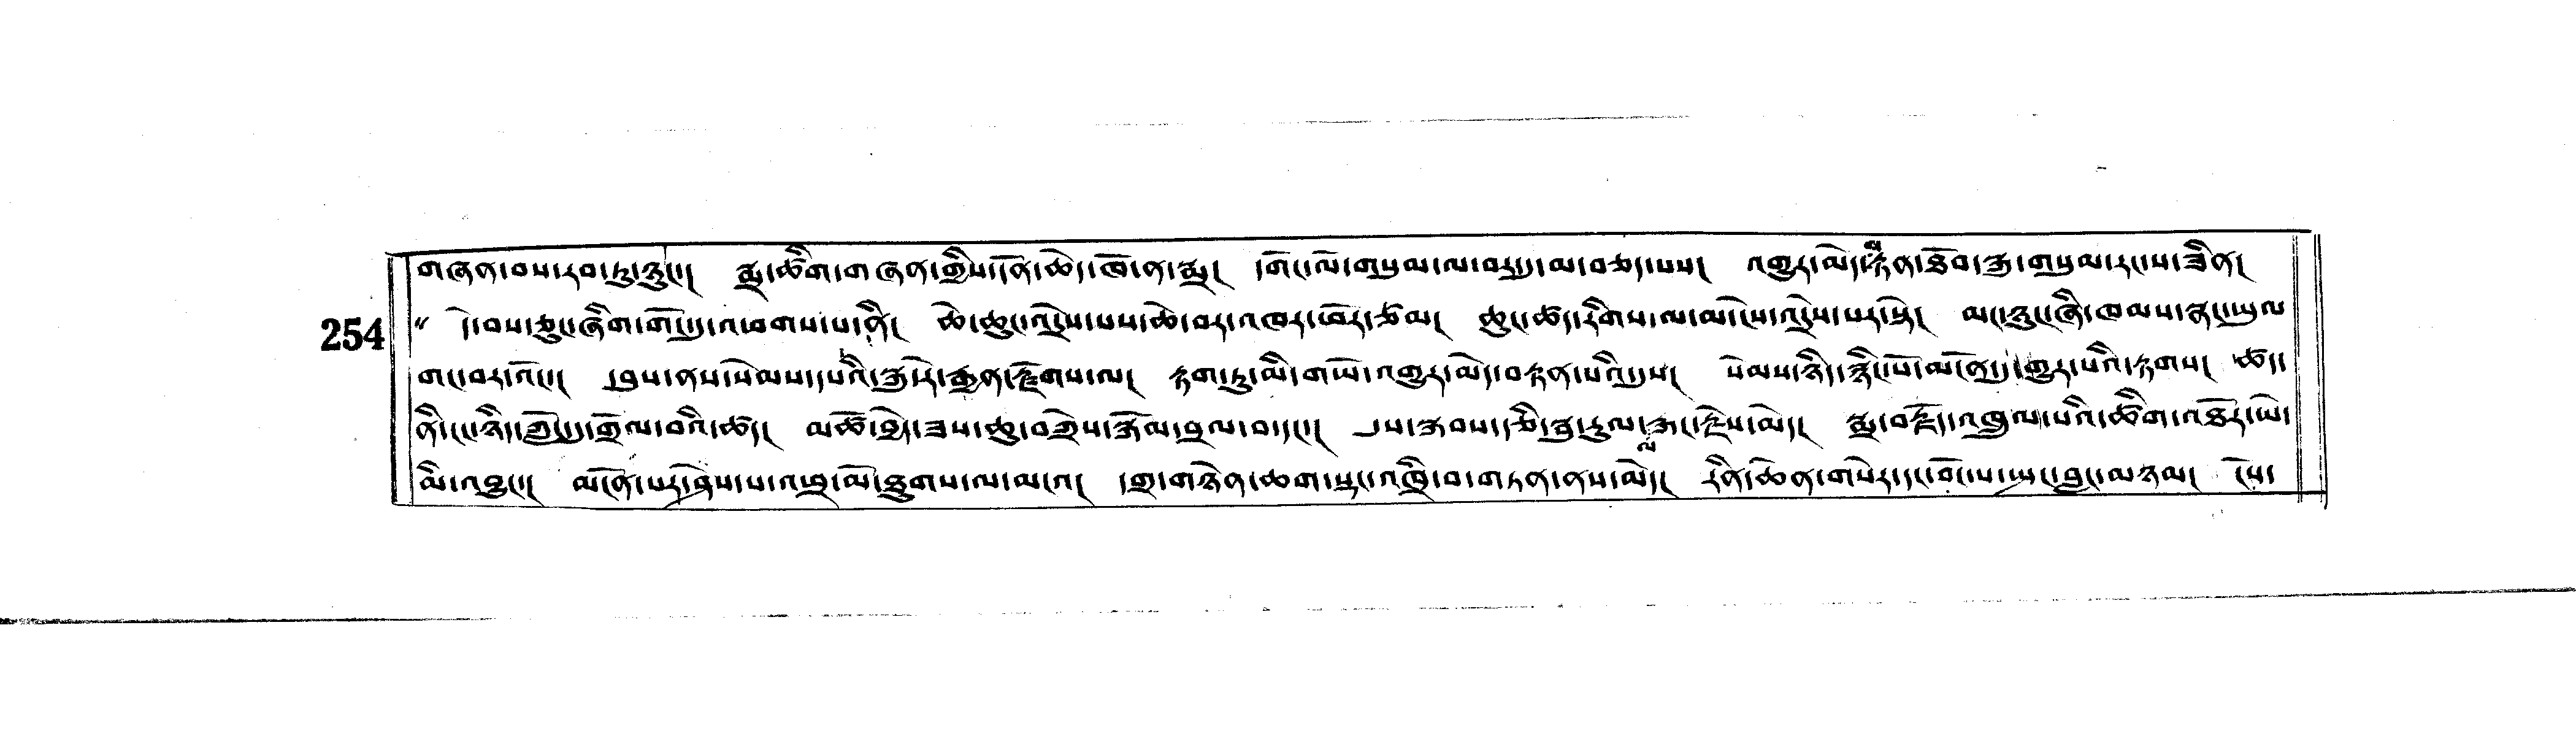གཞན་བས་རབ་ཏུ་ཉུང་། སྨྲ་ཚིག་གཞན་གྱི་དོན་ཆེད་ཁོ་ན་སྨྲ། དགོང་ལོ་གསུམ་ལ་བར་དུ་མ་བཅད་པས། འགྱུར་མེད་བརྟན་ཐོབ་སྐུ་གསུམ་རང་ས་ཟིན། 
༧ དེ་བས་ཅུང་ཞིག་གོང་དུ་འཕགས་པ་ནི། ཆེ་ཆུང་འདྲེས་པས་ཆེ་བར་འཁར་ཕོར་ཙམ། ཆུང་ཚད་རིགས་ལ་མ་ངེས་འདྲེས་པ་སྟེ། མང་ཉུང་ཞིང་ཁམས་སྣང་ཡུལ་
གང་བར་འོང་། དབུས་ནས་སེམས་དཔའི་སྐུ་རེ་རྒྱན་རྫོགས་ལ། རྟག་ཏུ་མི་གཡོ་འགྱུར་མེད་བརྟན་པའི་དུས། སེམས་ཉིད་སྙིང་པོ་མངོན་དུ་གྱུར་པའི་རྟགས། ཚད་
ནི་ངང་ཉིད་ཀློང་དུ་གྲོལ་བའི་ཚད། འཚོ་བྱེད་ཟས་ཆུ་བཀྲེས་སྐོམ་བྲལ་བ་དང་། དུས་སྐབས་རྩི་སྦུ་རུལ་ལ་རྐང་རྗེས་མེད། སྨྲ་བརྗོད་འཁྲུལ་པའི་ཚིག་འཐོར་ཡེ་
མི་འབྱུང་། མངོན་པར་ཤེས་པ་འཕྲ་མོ་ཐུགས་ལ་མངའ། དགྲ་གཉེན་ཆགས་སྡང་འཁྲི་བ་གཏན་ནས་མེད། རིན་ཆེན་གསེར་བ་བོང་བ་སྤང་བླང་མཉམ། ངོས་